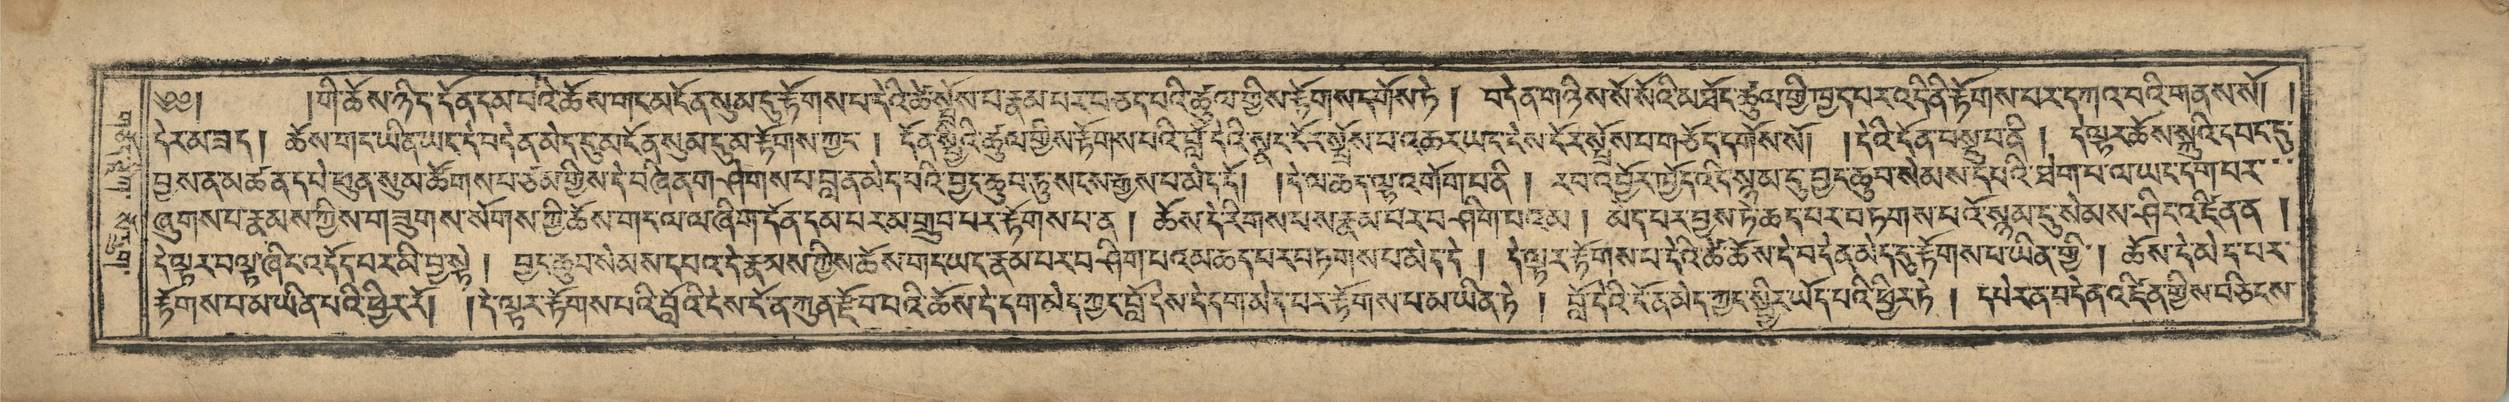༄༅། །གི་ཆོས་ཉིད་དོན་དམ་པའི་ཆོས་གང་མངོན་སུམ་དུ་རྟོགས་པ་དེའི་ཚེ་སྤྲོས་པ་རྣམ་པར་བཅད་པའི་ཚུལ་གྱིས་རྟོགས་དགོས་ཏེ། བདེན་གཉིས་སོ་སོའི་མཐོང་ཚུལ་གྱི་ཁྱད་པར་འདི་ནི་རྟོགས་པར་དཀའ་བའི་གནས་སོ།
དེར་མ་ཟད། ཆོས་གང་ཡིན་ཡང་དེ་བདེན་མེད་དུ་མངོན་སུམ་དུ་མ་རྟོགས་ཀྱང་། དོན་སྤྱིའི་ཚུལ་གྱིས་རྟོགས་པའི་བློ་དེའི་སྣང་ངོར་སྤྲོས་པ་འཆར་ཡང་དེའི་ངོར་སྤྲོས་པ་གཅོད་དགོས་སོ། །དེའི་དོན་བསྡུ་བ་ནི། དེ་ལྟར་ཆོས་སྐུའི་དབང་དུ་
བྱས་ན་མཚན་དཔེ་ཕུན་སུམ་ཚོགས་པ་ཙམ་གྱིས་དེ་བཞིན་གཤེགས་པ་བླ་ན་མེད་པའི་བྱང་ཆུབ་ཏུ་སངས་རྒྱས་པ་མེད་དོ། །དེ་ལ་ཆད་ལྟ་འགོག་པ་ནི། རབ་འབྱོར་ཁྱོད་འདི་སྙམ་དུ་བྱང་ཆུབ་སེམས་དཔའི་ཐེག་པ་ལ་ཡང་དག་པར་
ཞུགས་པ་རྣམས་ཀྱིས་གཟུགས་སོགས་ཀྱི་ཆོས་གང་ལ་ལ་ཞིག་དོན་དམ་པར་མ་གྲུབ་པར་རྟོགས་པ་ན། ཆོས་དེ་རིགས་པས་རྣམ་པར་བཤིག་པའམ། མེད་པར་བྱས་ཏེ་ཆད་པར་བཏགས་པའོ་སྙམ་དུ་སེམས་ཤིང་འཛིན་ན།
དེ་ལྟར་བལྟ་ཞིང་འདོད་པར་མི་བྱ་སྟེ། བྱང་ཆུབ་སེམས་དཔའ་དེ་རྣམས་ཀྱིས་ཆོས་གང་ཡང་རྣམ་པར་བཤིག་པའམ་ཆད་པར་བཏགས་པ་མེད་དེ། དེ་ལྟར་རྟོགས་པ་དེའི་ཚེ་ཆོས་དེ་བདེན་མེད་དུ་རྟོགས་པ་ཡིན་གྱི། ཆོས་དེ་མེད་པར་
རྟོགས་པ་མ་ཡིན་པའི་ཕྱིར་རོ། །དེ་ལྟར་རྟོགས་པའི་བློའི་ངེས་དོན་ཀུན་རྫོབ་པའི་ཆོས་དེ་དག་མེད་ཀྱང་བློ་དེས་དེ་དག་མེད་པར་རྟོགས་པ་མ་ཡིན་ཏེ། བློ་དེའི་དོན་མེད་ཀྱང་སྤྱིར་ཡོད་པའི་ཕྱིར་ཏེ། དཔེར་ན་བདེན་འཛིན་གྱིས་བཅིངས་